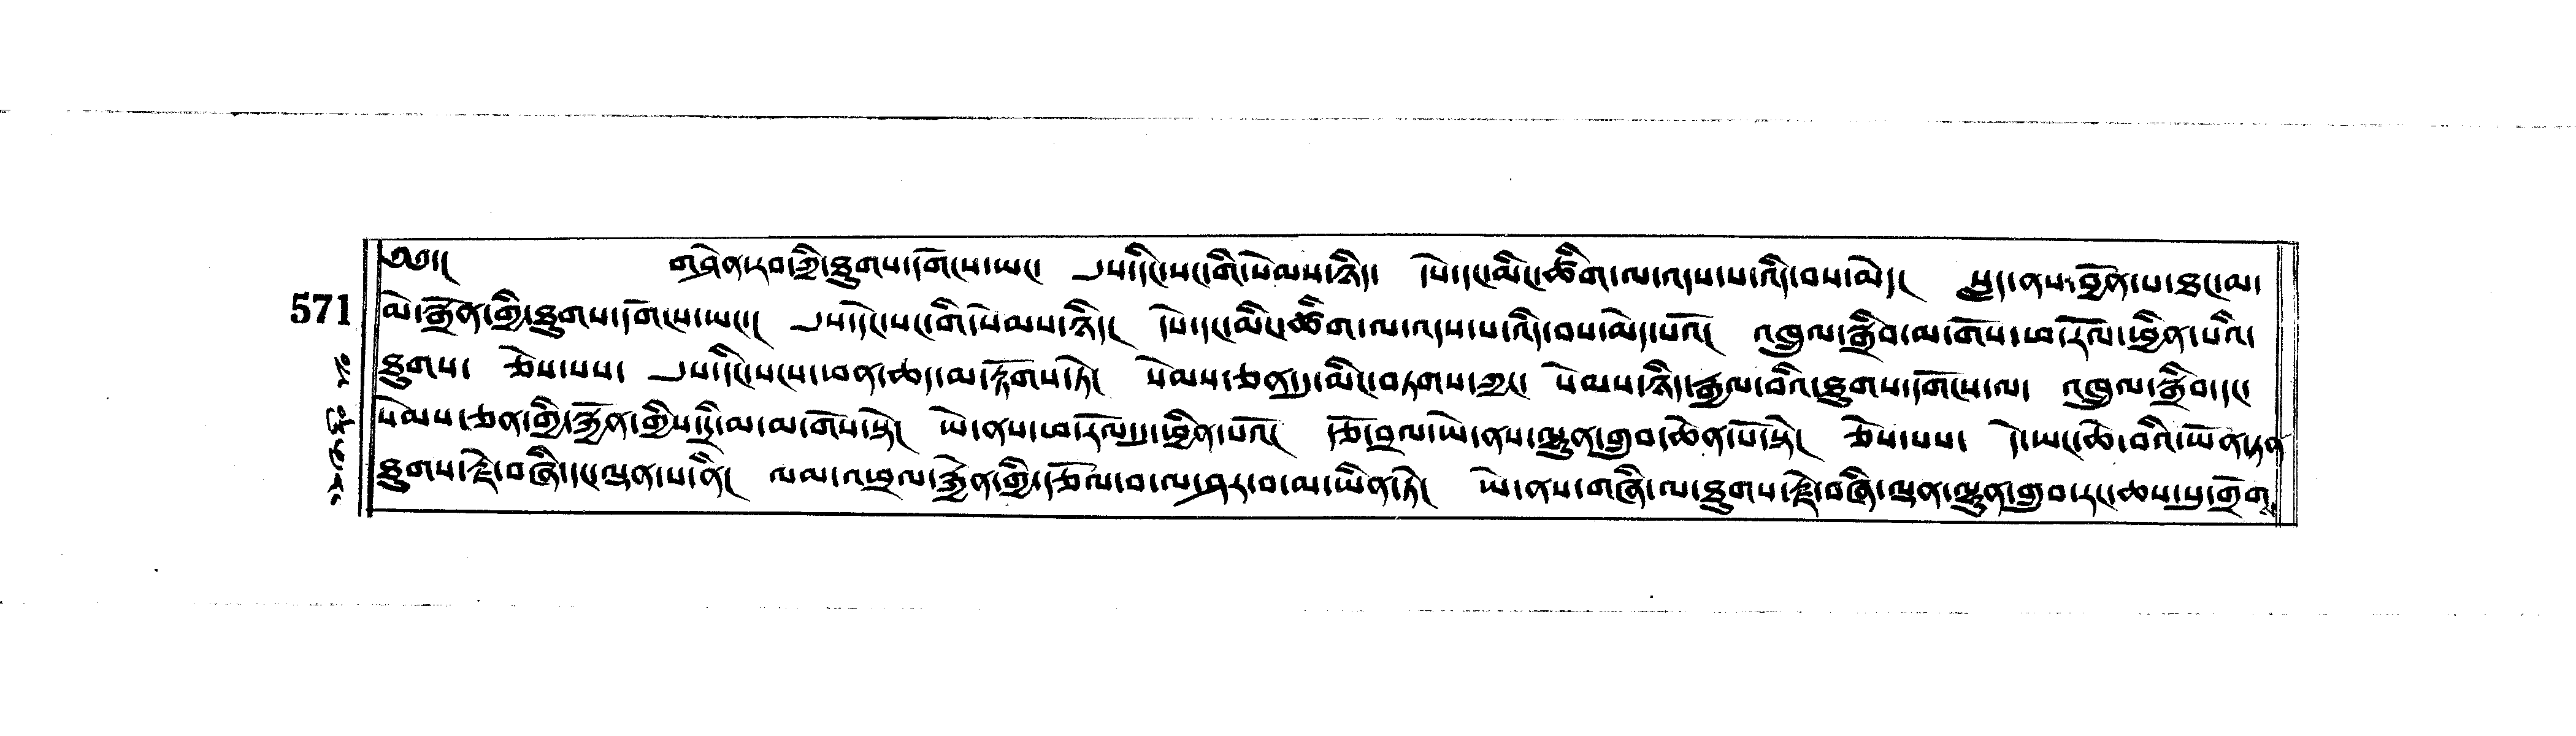གཤེན་རབ་ཀྱི་ཐུགས་དགོངས་ཡང་། དུས་དེང་སང་གི་སེམས་ཉིད་དཔེ་དང་མིང་ཚིག་ལས་འདས་པ་འདི་བས་མེད། སླད་ནས་བྱོན་པ་ཐང་མ་
མེ་སྒྲོན་གྱི་ཐུགས་དགོངས་ཡང་། དུས་དེང་སང་གི་སེམས་ཉིད་དཔེ་དང་མིང་ཚིག་ལས་འདས་པ་འདི་བས་མེད་པའོ། འཁྲུལ་སྒྲིབ་མ་གོས་ཕ་རོལ་ཕྱིན་པའི་
གས། ཅེས་པས། དུས་དེང་སང་ཕན་ཆད་མ་རྟོགས་ཏེ། སེམས་ཅན་དུ་མིང་བཏགས་ཀྱང་། སེམས་ཉིད་རྒྱལ་བའི་ཐུགས་དགོངས་ལ། འཁྲུལ་སྒྲིབ་དང་
སེམས་ཅན་གྱི་སྐྱོན་གྱི་དྲི་མས་མ་གོས་ཏེ་ཡེ་ནས་ཕ་རོལ་ཏུ་ཕྱིན་པའོ། རྩོལ་བྲལ་ཡེ་ནས་ལྷུན་གྲུབ་ཆེན་པོ་སྟེ། ཅེས་པས། དེ་ཡང་ཆེ་བའི་ཡོན་ཏན་
ཐུགས་རྗེ་བཞི་དང་ལྡན་པ་ནི། ལམ་འཕྲལ་རྐྱེན་གྱི་རྩོལ་བ་ལ་ཤར་བ་མ་ཡིན་ཏེ། ཡེ་ནས་གཞི་ལ་ཐུགས་རྗེ་བཞི་ལྡན་ལྷུན་གྲུབ་རང་བཞིན་རང་ཆས་སུ་འགྲོགས་